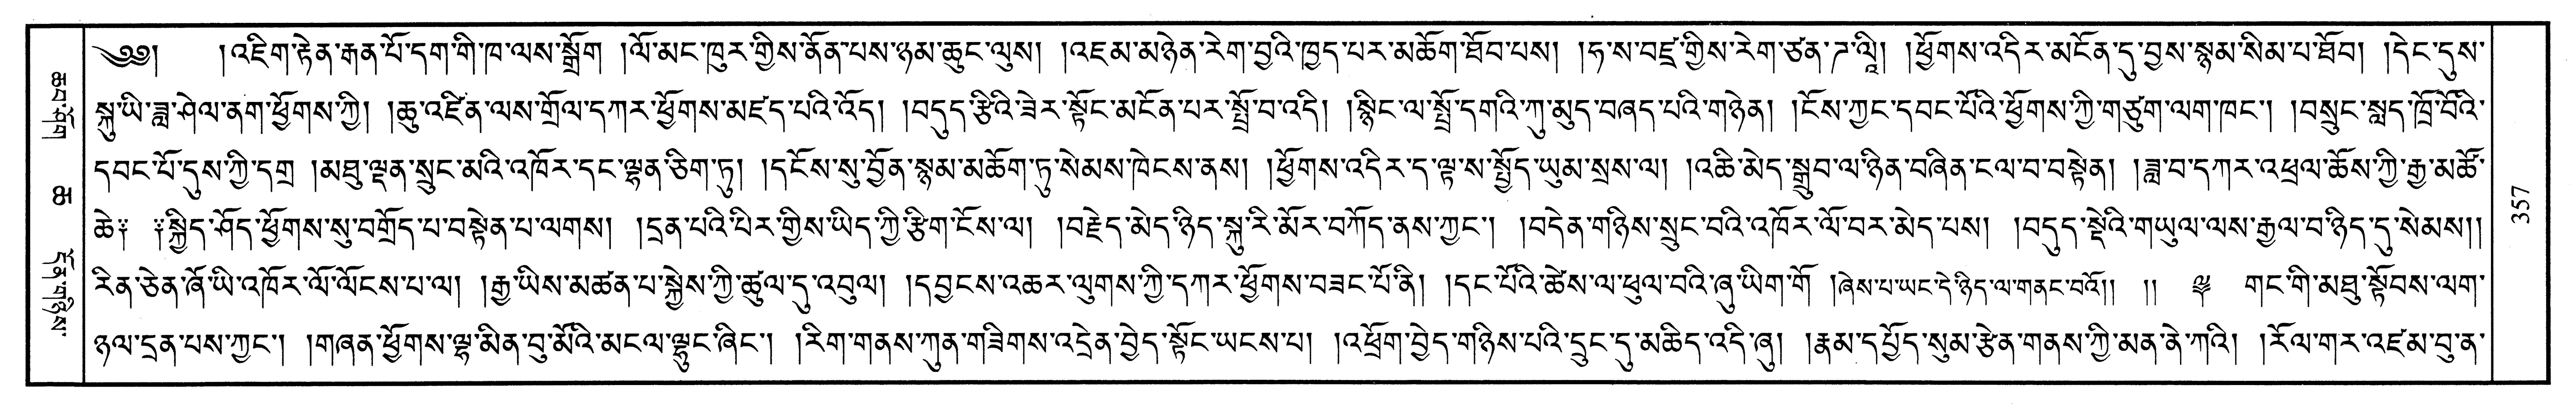༄༅། །འཇིག་རྟེན་རྒན་པོ་དག་གི་ཁ་ལས་སྒྲོག །ལོ་མང་ཁུར་གྱིས་ནོན་པས་ཉམ་ཆུང་ལུས། །འཇམ་མཉེན་རེག་བྱའི་ཁྱད་པར་མཆོག་ཐོབ་པས། །ཧ་ས་བཛྲ་གྱིས་རེག་ཙན་ཌ་ལཱི། །ཕྱོགས་འདིར་མངོན་དུ་བྱས་སྙམ་སིམ་པ་ཐོབ། །དེང་དུས་
སྐུ་ཡི་ཟླ་ཤེལ་ནག་ཕྱོགས་ཀྱི། །ཆུ་འཛིན་ལས་གྲོལ་དཀར་ཕྱོགས་མཛད་པའི་འོད། །བདུད་རྩིའི་ཟེར་སྟོང་མངོན་པར་སྤྲོ་བ་འདི། །སྙིང་ལ་སྤྲོ་དགའི་ཀུ་མུད་བཞད་པའི་གཉེན། །ངོས་ཀྱང་དབང་པོའི་ཕྱོགས་ཀྱི་གཙུག་ལག་ཁང་། །བསྲུང་སླད་ཁྲོ་བོའི་
དབང་པོ་དུས་ཀྱི་དགྲ་།མཐུ་ལྡན་སྲུང་མའི་འཁོར་དང་ལྷན་ཅིག་ཏུ། །དངོས་སུ་བྱོན་སྙམ་མཆོག་ཏུ་སེམས་ཁེངས་ནས། །ཕྱོགས་འདིར་ད་ལྟ་ས་སྤྱོད་ཡུམ་སྲས་ལ། །འཆི་མེད་སྒྲུབ་ལ་ཉིན་བཞིན་ངལ་བ་བསྟེན། །ཟླ་བ་དཀར་འཕྲལ་ཆོས་ཀྱི་རྒྱ་མཚོ་
ཆེ༑ ༑སྐྱིད་ཤོད་ཕྱོགས་སུ་བགྲོད་པ་བསྟེན་པ་ལགས། །དྲན་པའི་པིར་གྱིས་ཡིད་ཀྱི་རྩིག་ངོས་ལ། །བརྗེད་མེད་ཉིད་སྐུ་རི་མོར་བཀོད་ནས་ཀྱང་། །བདེན་གཉིས་སྲུང་བའི་འཁོར་ལོ་བར་མེད་པས། །བདུད་སྡེའི་གཡུལ་ལས་རྒྱལ་བ་ཉིད་དུ་སེམས།།
རིན་ཅེན་ཞོ་ཡི་འཁོར་ལོ་ལོངས་པ་ལ། །རྒྱ་ཡིས་མཚན་པ་སྐྱེས་ཀྱི་ཚུལ་དུ་འབུལ། །དབྱངས་འཆར་ལུགས་ཀྱི་དཀར་ཕྱོགས་བཟང་པོ་ནི། །དང་པོའི་ཚེས་ལ་ཕུལ་བའི་ཞུ་ཡིག་གོ །ཞེས་པ་ཡང་དེ་ཉིད་ལ་གནང་བའོ།། །། ༈ གང་གི་མཐུ་སྟོབས་ལག་
ཉལ་དྲན་པས་ཀྱང་། །གཞན་ཕྱོགས་ལྷ་མིན་བུ་མོའི་མངལ་ལྷུང་ཞིང་། །རིག་གནས་ཀུན་གཟིགས་འདྲེན་བྱེད་སྟོང་ཡངས་པ། །འཕྲོག་བྱེད་གཉིས་པའི་དྲུང་དུ་མཆིད་འདི་ཞུ། །རྣམ་དཔྱོད་སུམ་རྩེན་གནས་ཀྱི་མན་ནེ་ཀའི། །རོལ་གར་འཛམ་བུ་ན་